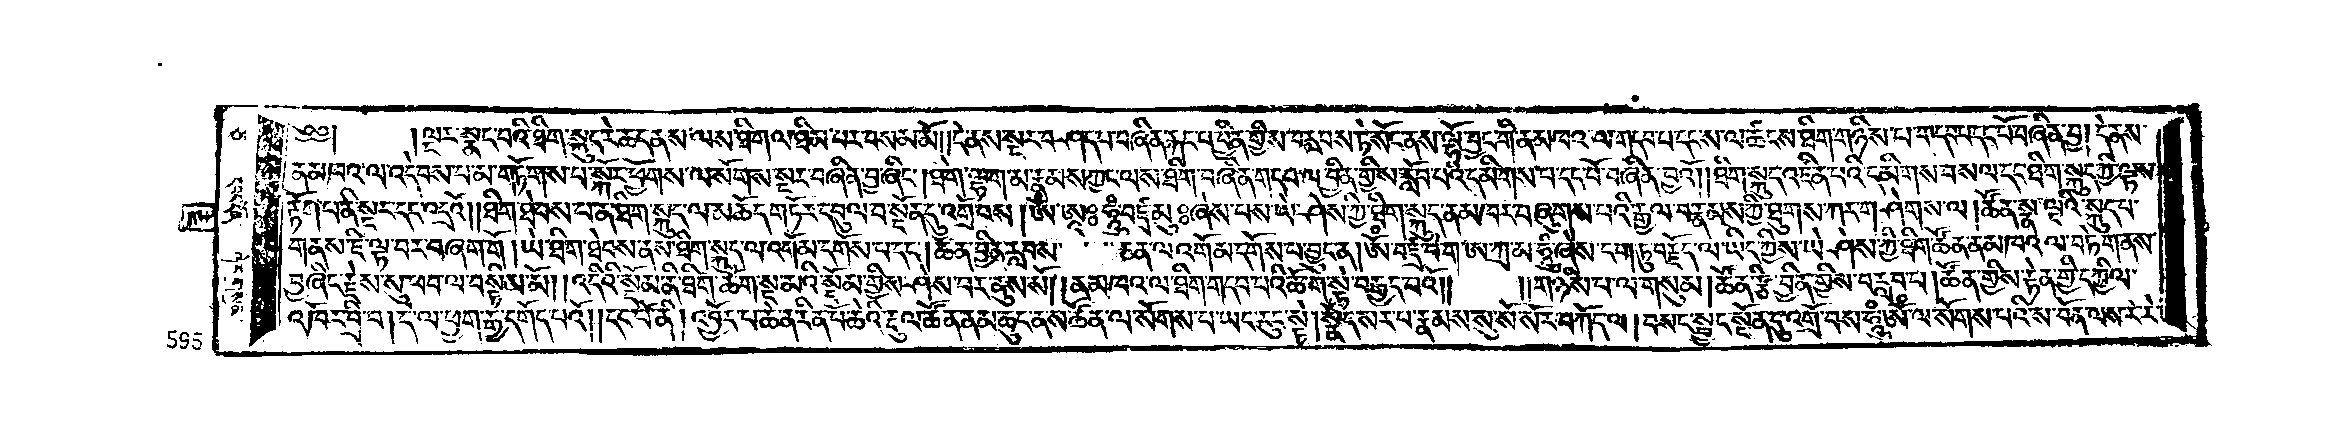༄༅། །ལྔར་སྣང་བའི་ཐིག་སྐུད་རེ་ཆད་ནས་ལས་ཐིག་ལ་ཐིམ་པར་བསམ་མོ། །དེ་ནས་སྔར་བཤད་པ་བཞིན་རྐང་པ་བྱིན་གྱིས་བརླབས་ཏེ་སོང་ནས་ལྷོ་བྱང་གི་ནམ་མཁའ་ལ་གདབ་པ་དང་ས་ལ་ཚངས་ཐིག་གཉིས་པ་གདབ་པ་དང་པོ་བཞིན་བྱ། དེ་ནས་
ནམ་མཁའ་ལ་འདེབས་པ་མ་གཏོགས་པ་སྐོར་ཕྱོགས་ལ་སོགས་སྔར་བཞིན་བྱ་ཞིང་། ཐིག་ལྷག་མ་རྣམས་ཀྱང་ལས་ཐིག་བཞིན་གདབ་ལ་བྱིན་གྱིས་རློབ་པའི་དམིགས་པ་དང་པོ་བཞིན་བྱའོ། །ཐིག་སྐུད་འཛིན་པའི་དམིགས་བསལ་དང་ཐིག་སྐུད་ཀྱི་ལྟས་
རྟོག་པ་ནི་སྔར་དང་འདྲའོ། །ཐིག་ཐེབས་པ་ན་ཐིག་སྐུད་ལ་མཆོད་གཏོར་དབུལ་བ་སྔོན་དུ་འགྲོ་བས། ཨོཾ་ཨཱཿ ཧཱུཾ་བཛྲ་མུཿ ཞེས་པས་ཡེ་ཤེས་ཀྱི་ཐིག་སྐུད་ནམ་མཁར་བཞུགས་པའི་རྒྱལ་བ་རྣམས་ཀྱི་ཐུགས་ཀར་གཤེགས་ལ། ཚོན་སྣ་ལྔའི་སྐུད་པ་
གནས་ཇི་ལྟ་བར་བཞག་གོ །ཡེ་ཐིག་ཐེབས་ནས་ཐིག་སྐུད་ལ་འགོམ་དགོས་པ་དང་། ཚོན་བྱིན་རླབས་ཅན་ལ་འགོམ་དགོས་པ་བྱུང་ན། ཨོཾ་བཛྲ་བི་ག་ཨ་ཀྲ་མ་ཧཱུཾ་ཞེས་དག་ཏུ་བརྗོད་ལ་ཡིད་ཀྱིས་ཡེ་ཤེས་ཀྱི་ཐིག་ཚོན་ནམ་མཁའ་ལ་བཏེག་ནས་
བྱ་ཞིང་རྗེས་སུ་ཕབ་ལ་བསྟིམ་མོ། །འདིའི་སྡོམ་ནི་ཐིག་ཆོག་སྔ་མའི་སྡོམ་གྱིས་ཤེས་པར་ནུས་སོ། །ནམ་མཁའ་ལ་ཐིག་གདབ་པའི་ཆོ་ག་སྟེ་བརྒྱད་པའོ།། །།གཉིས་པ་ལ་གསུམ། ཚོན་རྩི་བྱིན་གྱིས་བརླབ་པ། ཚོན་གྱིས་རྟེན་གྱི་དཀྱིལ་
འཁོར་བྲི་བ། དེ་ལ་ཕྱག་རྒྱ་དགོད་པའོ། །དང་པོ་ནི། འབྱོར་བ་ཆེ་ན་རིན་པོ་ཆེའི་རྡུལ་ཚོན་ནམ་ཆུང་ནས་ཚོན་ལ་སོགས་པ་ཡང་རུང་སྟེ། སྣོད་སར་པ་རྣམས་སུ་སོ་སོར་བཀོད་ལ། བསང་སྦྱང་སྔོན་དུ་འགྲོ་བས་ཧཱུཾ་ཨོཾ་ལ་སོགས་པའི་ས་བོན་ལས་རེ་རེ་